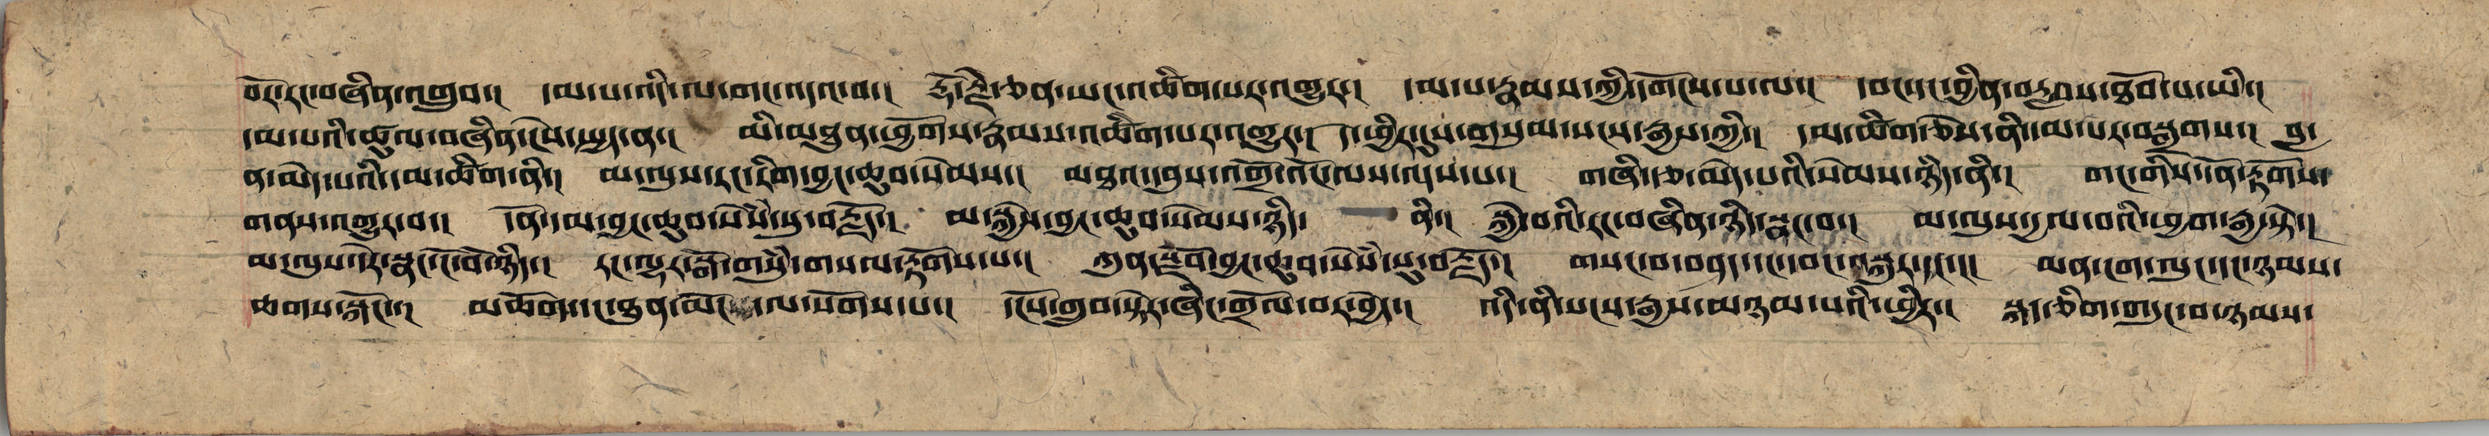བོར་རང་བཞིན་འགྲུབ་། དམ་པ་འདི་ལ་གང་འདའ་བ་། རྡོ་རྗེ་ཅན་ཡང་འཚིག་པར་འགྱུར་། དམ་པ་རྣམས་ཀྱི་དགོངས་པ་ལ་། དབང་དང་བྱིན་བརླབས་ཐོབ་པ་ཡི་།
དམ་པའི་ཚུལ་བཞིན་ངེས་སྤྱད་ན་། མི་མཐུན་ཕྱོགས་རྣམས་འཚིག་པར་འགྱུར་། དེ་ཕྱིར་དུས་གསུམ་སངས་རྒྱས་ཀྱི་། དམ་ཚིག་ཅེས་ནི་དམ་པར་བསྒྲགས་། བླ་
ན་མེད་པའི་དམ་ཚིག་ནི་། མ་ལུས་རང་རིག་བྱང་ཆུབ་སེམས་། མཐའ་དབུས་འགྲོ་འོང་ལས་འདས་པ་། གཞི་རྩ་མེད་པའི་སེམས་ཉིད་ནི་། གང་གིས་དོན་རྟོགས་
གནས་འགྱུར་བ་། དོན་དམ་བྱང་ཆུབ་སེཾས་སུ་བརྗོད་། མ་སྐྱེས་བྱང་ཆུབ་སེམས་ཉིད་ ནི་། སྐྱེ་བའི་རང་བཞིན་ཉིད་སྣང་བ་། མ་ལུས་དྱལ་བའི་ཕྱག་རྒྱ་སྟེ་།
མ་ལུས་དེར་སྣང་ངོ་བོ་ཉིད་། རང་ལྷར་སྒོ་གསུཾ་གསལ་རྟོགས་པ་། ཀུན་སྫོབ་བྱང་ཆུབ་སེཾས་སུ་བརྗོད་། གསང་བ་བཤད་དང་དབང་བསྐུར་དང་་། མན་ངག་ལུང་དང་ཉམས་
ཆགས་སྐོང་་། མཆོག་དང་ཐུན་མོང་ལ་སོགས་པ་། དངོས་གྲུབ་སྟེར་ཞིང་གྲོལ་བར་བྱེད་། འདི་ནི་སངས་རྒྱས་མཉམ་པའི་ཕྱིར་། སྐད་ཅིག་གདུང་བ་ཉམས་